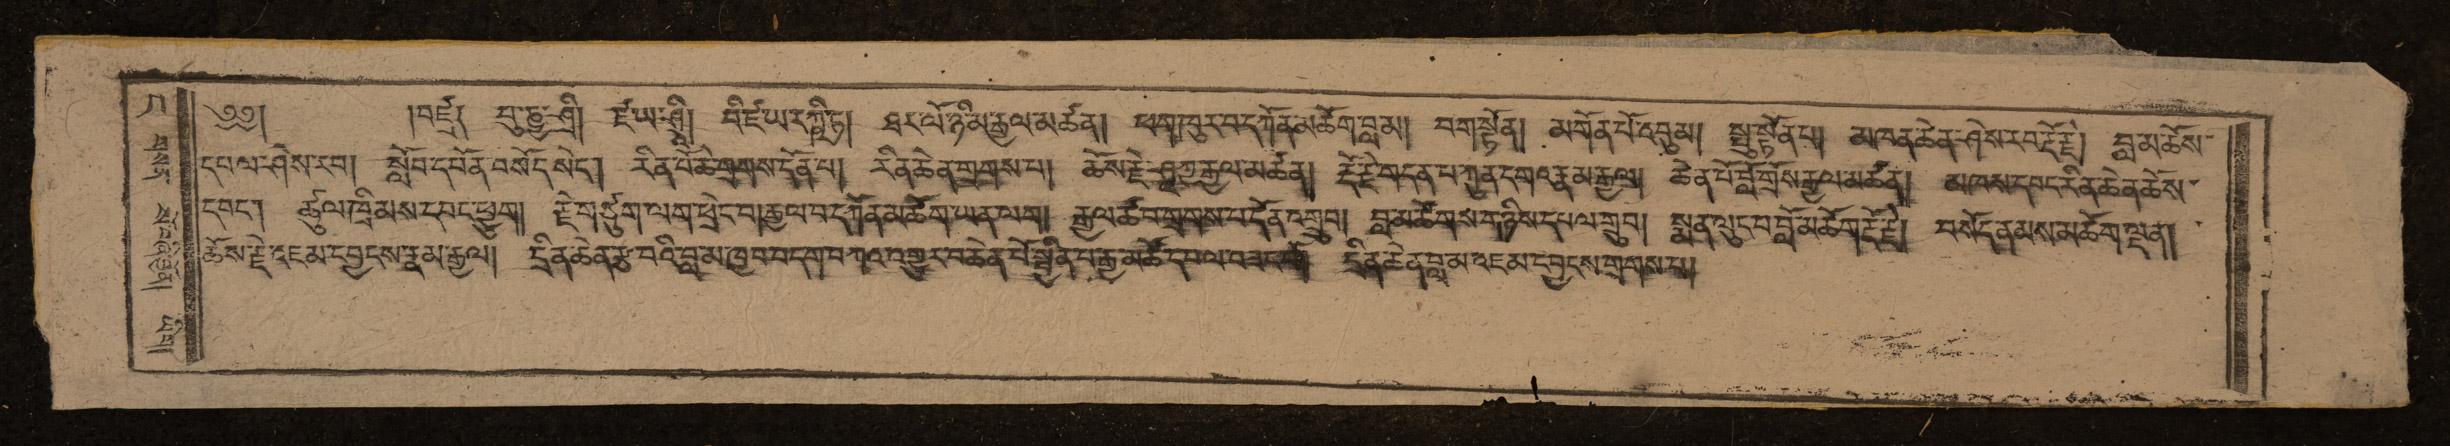༄༅། །བྫྲ། བུ་ཎྱ་ཤྲི། ཛ་ཡ་ཤྲཱི། བི་ཛ་ཡ་ར་ཀྵི་ཏ། ཐར་ལོ་ཉི་མ་རྒྱལ་མཚན། ཕག་ཁུར་བ་དཀོན་མཆོག་བླ་མ། བག་སྟོན། མགོན་པོ་འབུམ། སྤུ་སྟོན་པ། མཁན་ཆེན་ཤེས་རབ་རྡོ་རྗེ། བླ་མ་ཆོས་
དཔལ་ཤེས་རབ། སློབ་དཔོན་བསོད་སེང་། རིན་པོ་ཆེ་གྲགས་དོན་པ། རིན་ཆེན་གྲགས་པ། ཆོས་རྗེ་ཤཱཀྱ་རྒྱལ་མཚན། རྡོ་རྗེ་གདན་པ་ཀུན་དགའ་རྣམ་རྒྱལ། ཆེན་པོ་བློ་གྲོས་རྒྱལ་མཚན། མཁས་དབང་རིན་ཆེན་ཆོས་
དབང་། ཚུལ་ཁྲིམས་དབང་ཕྱུག། རྗེ་གཙུག་ལག་ཕྲེང་བ། རྒྱལ་བ་དཀོན་མཆོག་ཡན་ལག། རྒྱལ་ཚབ་གྲགས་པ་དོན་འགྲུབ། བླ་མ་ཚོགས་གཉིས་དཔལ་གྲུབ། སྨན་ལུང་པ་བློ་མཆོག་རྡོ་རྗེ། བསོད་ནམས་མཆོག་ལྡན།
ཆོས་རྗེ་འཇམ་དབྱངས་རྣམ་རྒྱལ། དྲིན་ཆེན་རྩ་བའི་བླ་མ་ཁྱབ་བདག་བཀའ་འགྱུར་བ་ཆེན་པོ་སྦྱིན་པ་རྒྱ་མཚོ་དཔལ་བཟང་པོ། དྲིན་ཆེན་བླ་མ་འཇམ་དབྱངས་གྲགས་པ།